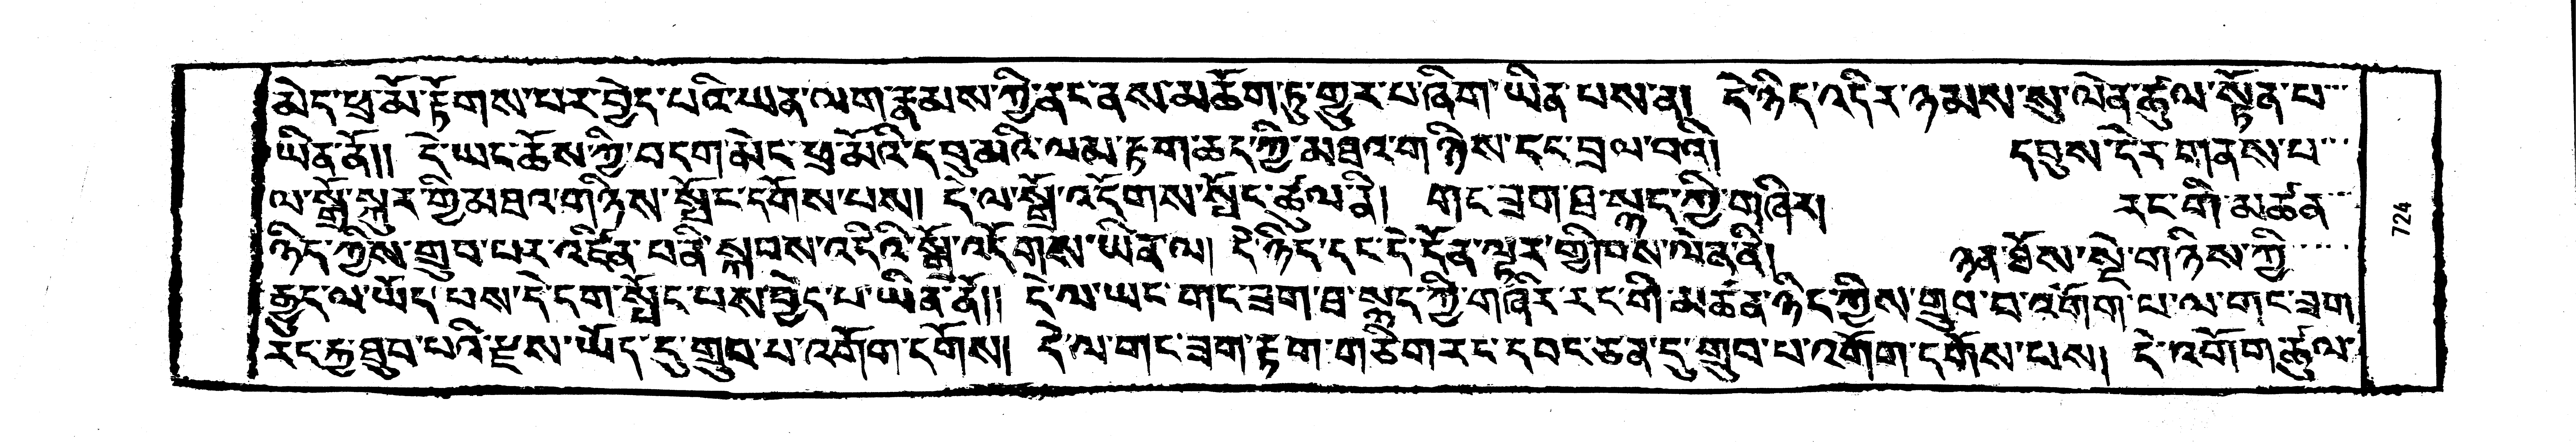མེད་ཕྲ་མོ་རྟོགས་པར་བྱེད་པའི་ཡན་ལག་རྣམས་ཀྱི་ནང་ནས་མཆོག་ཏུ་གྱུར་བ་ཞིག་ཡིན་པས་ན། དེ་ཉིད་འདིར་ཉམས་སུ་ལེན་ཚུལ་སྟོན་པ་
ཡིན་ནོ། །དེ་ཡང་ཆོས་ཀྱི་བདག་མེད་ཕྲ་མོའི་དབུ་མའི་ལམ་རྟག་ཆད་ཀྱི་མཐའ་གཉིས་དང་བྲལ་བའི། དབུས་དེར་གནས་པ་
ལ་སྒྲོ་སྐུར་གྱི་མཐའ་གཉིས་སྤོང་དགོས་པས། དེ་ལ་སྒྲོ་འདོགས་སྤོང་ཚུལ་ནི། གང་ཟག་ཐ་སྙད་ཀྱི་གཞིར། རང་གི་མཚན་
ཉིད་ཀྱིས་གྲུབ་པར་འཛིན་པ་ནི་སྐབས་འདིའི་སྒྲོ་འདོགས་ཡིན་ལ། དེ་ཉིད་དང་དེ་དོན་ལྟར་གྱི་ཁས་ལེན་ནི། ཉན་ཐོས་སྡེ་གཉིས་ཀྱི་
རྒྱུད་ལ་ཡོད་པས་དེ་དག་སྤོང་བས་བྱེད་པ་ཡིན་ནོ། །དེ་ལ་ཡང་གང་ཟག་ཐ་སྙད་ཀྱི་གཞིར་རང་གི་མཚན་ཉིད་ཀྱིས་གྲུབ་པ་འགོག་པ་ལ་གང་ཟག་
རང་རྐྱ་ཐུབ་པའི་རྫས་ཡོད་དུ་གྲུབ་པ་འགོག་དགོས། དེ་ལ་གང་ཟག་རྟག་གཅིག་རང་དབང་ཅན་དུ་གྲུབ་པ་འགོག་དགོས་པས། དེ་འགོག་ཚུལ་